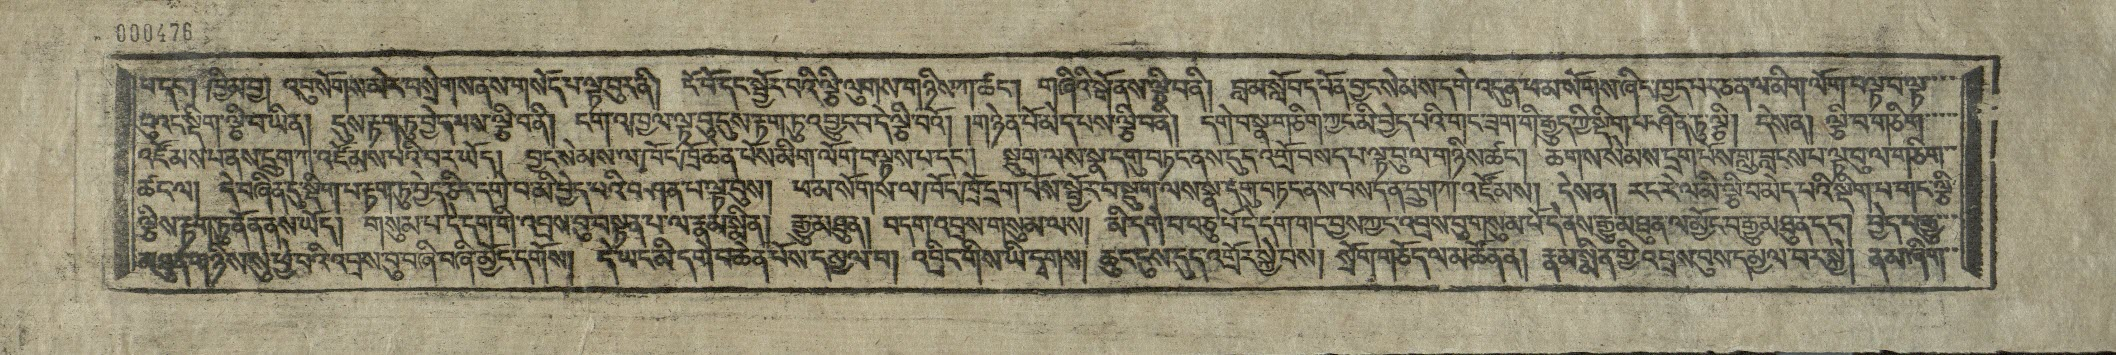པ་དང་། ཁྱིམ་བྱ། འབུ་སོགས་མེར་བསྲེགས་ནས་གསོད་པ་ལྟ་བུར་ནི། ངོ་བོ་དང་སྦྱོར་བའི་ལྕི་ལུགས་གཉིས་ཀ་ཚང་། གཞིའི་སྒོ་ནས་ལྕི་བ་ནི། བླ་མ་སློབ་དཔོན་བྱང་སེམས་དགེ་འདུན་ཕ་མ་སོགས་ཞིང་ཁྱད་པར་ཅན་ལ་མིག་ལོག་བལྟ་བ་ལྟ་
བུའང་སྡིག་ལྕི་བ་ཡིན། དུས་རྟག་ཏུ་བྱེད་པས་ལྕི་བ་ནི། ངག་འཁྱལ་ལྟ་བུ་དུས་རྟག་ཏུ་འབྱུང་བ་དེ་ལྕི་བའོ། །གཉེན་པོ་མེད་པས་ལྕི་བ་ནི། དགེ་བ་སྣ་གཅིག་ཀྱང་མི་བྱེད་པའི་གང་ཟག་གི་རྒྱུད་ཀྱི་སྡིག་པ་ཤིན་ཏུ་ལྕི། དེས་ན། ལྕི་བ་གཅིག་
འཛོམས་པ་ནས་དྲུག་ཀ་འཛོམས་པའི་བར་ཡོད། བྱང་སེམས་ལ་ཁོང་ཁྲོ་ཆེན་པོས་མིག་ལོག་བལྟས་པ་དང་། སྡུག་ལས་སྣ་དགུ་བཏང་ནས་དུད་འགྲོ་བསད་པ་ལྟ་བུ་ལ་གཉིས་ཚང་། ཆགས་སེམས་དྲག་པོས་གླུ་བླངས་པ་ལྟ་བུ་ལ་གཅིག་
ཚང་ལ། དེ་བཞིན་དུ་སྡིག་པ་རྟག་ཏུ་བྱེད་ཅིང་དགེ་བ་མི་བྱེད་པའི་བཤན་པ་ལྟ་བུས། ཕ་མ་སོགས་ལ་ཁོང་ཁྲོ་དྲག་པོས་སྦྱོར་བ་སྡུག་ལས་སྣ་དགུ་བཏང་ནས་བསད་ན་དྲུག་ཀ་འཛོམས། དེས་ན། རང་རེ་ལ་མི་ལྕི་བ་མེད་པའི་སྡིག་པ་གང་ལྕི་
ལྕིས་རྟག་ཏུ་ནོན་ནས་ཡོད། གསུམ་པ་དེ་དག་གི་འབྲས་བུ་བསྟན་པ་ལ་རྣམ་སྨིན། རྒྱུ་མཐུན། བདག་འབྲས་གསུམ་ལས། མི་དགེ་བ་བཅུ་པོ་དེ་དག་གང་བྱས་ཀྱང་འབྲས་བུ་གསུམ་པོ་དེ་ནས་རྒྱུ་མཐུན་ལ་མྱོང་བ་རྒྱུ་མཐུན་དང་། བྱེད་པ་རྒྱུ་
མཐུན་གཉིས་སུ་ཕྱེ་བའི་འབྲས་བུ་བཞི་བཞི་མྱོང་དགོས། དེ་ཡང་མི་དགེ་བ་ཆེན་པོས་དམྱལ་བ། འབྲིང་གིས་ཡི་དྭགས། ཆུང་དུས་དུད་འགྲོར་སྐྱེ་བས། སྲོག་གཅོད་ལ་མཚོན་ན། རྣམ་སྨིན་གྱི་འབྲས་བུས་དམྱལ་བར་སྐྱེ། ནམ་ཞིག་